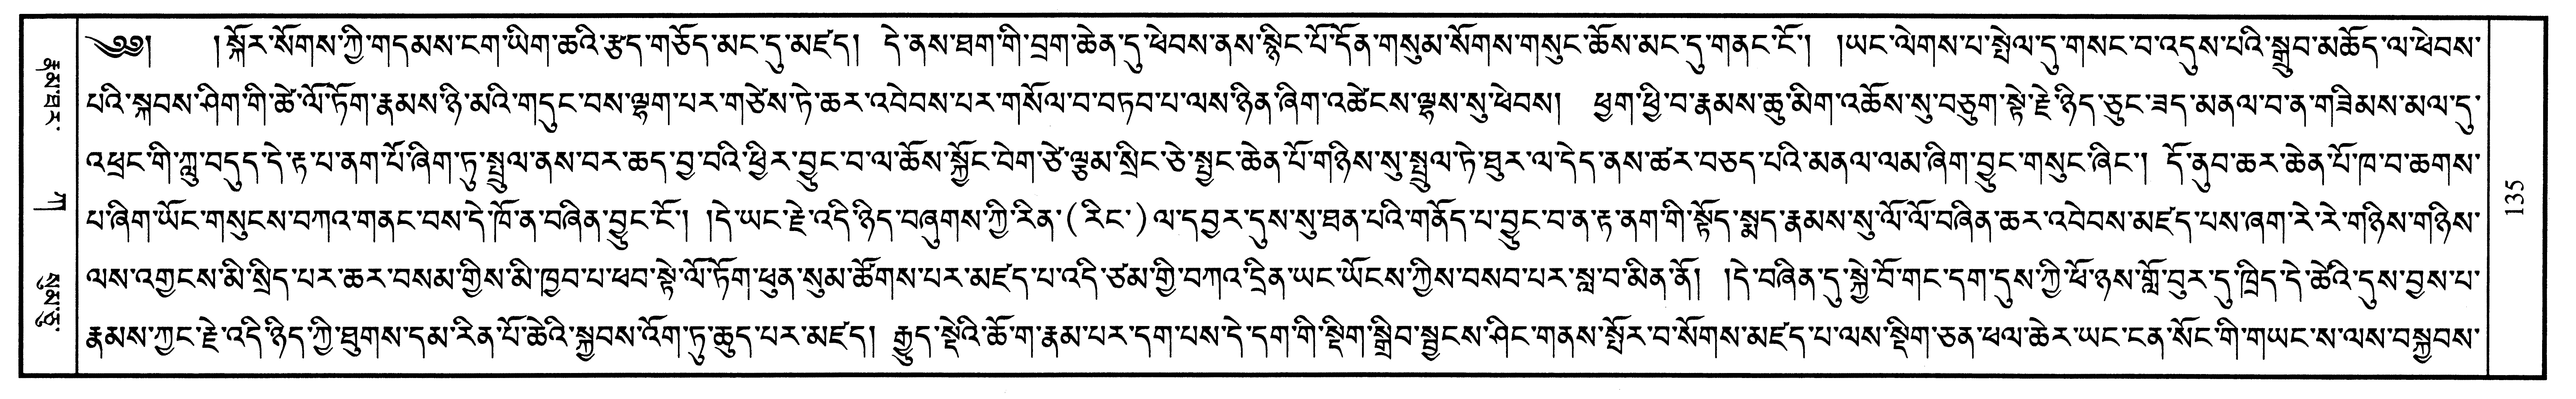༄༅། །སྐོར་སོགས་ཀྱི་གདམས་ངག་ཡིག་ཆའི་རྩད་གཅོད་མང་དུ་མཛད། དེ་ནས་ཐག་གི་བྲག་ཆེན་དུ་ཕེབས་ནས་སྙིང་པོ་དོན་གསུམ་སོགས་གསུང་ཆོས་མང་དུ་གནང་ངོ། །ཡང་ལེགས་པ་སྤེལ་དུ་གསང་བ་འདུས་པའི་སྒྲུབ་མཆོད་ལ་ཕེབས་
པའི་སྐབས་ཤིག་གི་ཚེ་ལོ་ཏོག་རྣམས་ཉི་མའི་གདུང་བས་ལྷག་པར་གཙེས་ཏེ་ཆར་འབེབས་པར་གསོལ་བ་བཏབ་པ་ལས་ཉིན་ཞིག་འཚེངས་ལྷས་སུ་ཕེབས། ཕྱག་ཕྱི་བ་རྣམས་ཆུ་མིག་འཆོས་སུ་བཅུག་སྟེ་རྗེ་ཉིད་ཅུང་ཟད་མནལ་བ་ན་གཟིམས་མལ་དུ་
འཕྲང་གི་ཀླུ་བདུད་དེ་རྟ་པ་ནག་པོ་ཞིག་ཏུ་སྤྲུལ་ནས་བར་ཆད་བྱ་བའི་ཕྱིར་བྱུང་བ་ལ་ཆོས་སྐྱོང་བེག་ཙེ་ལྕམ་སྲིང་ཅེ་སྤྱང་ཆེན་པོ་གཉིས་སུ་སྤྲུལ་ཏེ་ཐུར་ལ་དེད་ནས་ཚར་བཅད་པའི་མནལ་ལམ་ཞིག་བྱུང་གསུང་ཞིང་། དོ་ནུབ་ཆར་ཆེན་པོ་ཁ་བ་ཆགས་
པ་ཞིག་ཡོངས་གསུངས་བཀའ་གནང་བས་དེ་ཁོ་ན་བཞིན་བྱུང་ངོ། །དེ་ཡང་རྗེ་འདི་ཉིད་བཞུགས་ཀྱི་རིན་རིང་ལ་དབྱར་དུས་སུ་ཐན་པའི་གནོད་ཨ་བྱུང་བ་ན་རྟ་ནག་གི་སྟོད་སྨད་རྣམས་སུ་ལོ་ལོ་བཞིན་ཆར་འབེབས་མཛད་པས་ཞག་རེ་རེ་གཉིས་གཉིས་
ལས་འགྱངས་མི་སྲིད་པར་ཆར་བསམ་གྱིས་མི་ཁྱབ་པ་ཕབ་སྟེ་ལོ་ཏོག་ཕུན་སུམ་ཚོགས་པར་མཛད་པ་འདི་ཙམ་གྱི་བཀའ་དྲིན་ཡང་ཡོངས་ཀྱིས་བསབ་པར་སླ་བ་མིན་ནོ། །དེ་བཞིན་དུ་སྐྱེ་བོ་གང་དག་དུས་ཀྱི་ཕོ་ཉས་གློ་བུར་དུ་ཁྲིད་དེ་ཚེའི་དུས་བྱས་པ་
རྣམས་ཀྱང་རྗེ་འདི་ཉིད་ཀྱི་ཐུགས་དམ་རིན་པོ་ཆེའི་སྐྱབས་འོག་ཏུ་ཆུད་པར་མཛད། རྒྱུད་སྡེའི་ཆོ་ག་རྣམ་པར་དག་པས་དེ་དག་གི་སྡིག་སྒྲིབ་སྦྱངས་ཤིང་གནས་སྤོར་བ་སོགས་མཛད་པ་ལས་སྡིག་ཅན་ཕལ་ཆེར་ཡང་ངན་སོང་གི་གཡང་ས་ལས་བསྐྱབས་